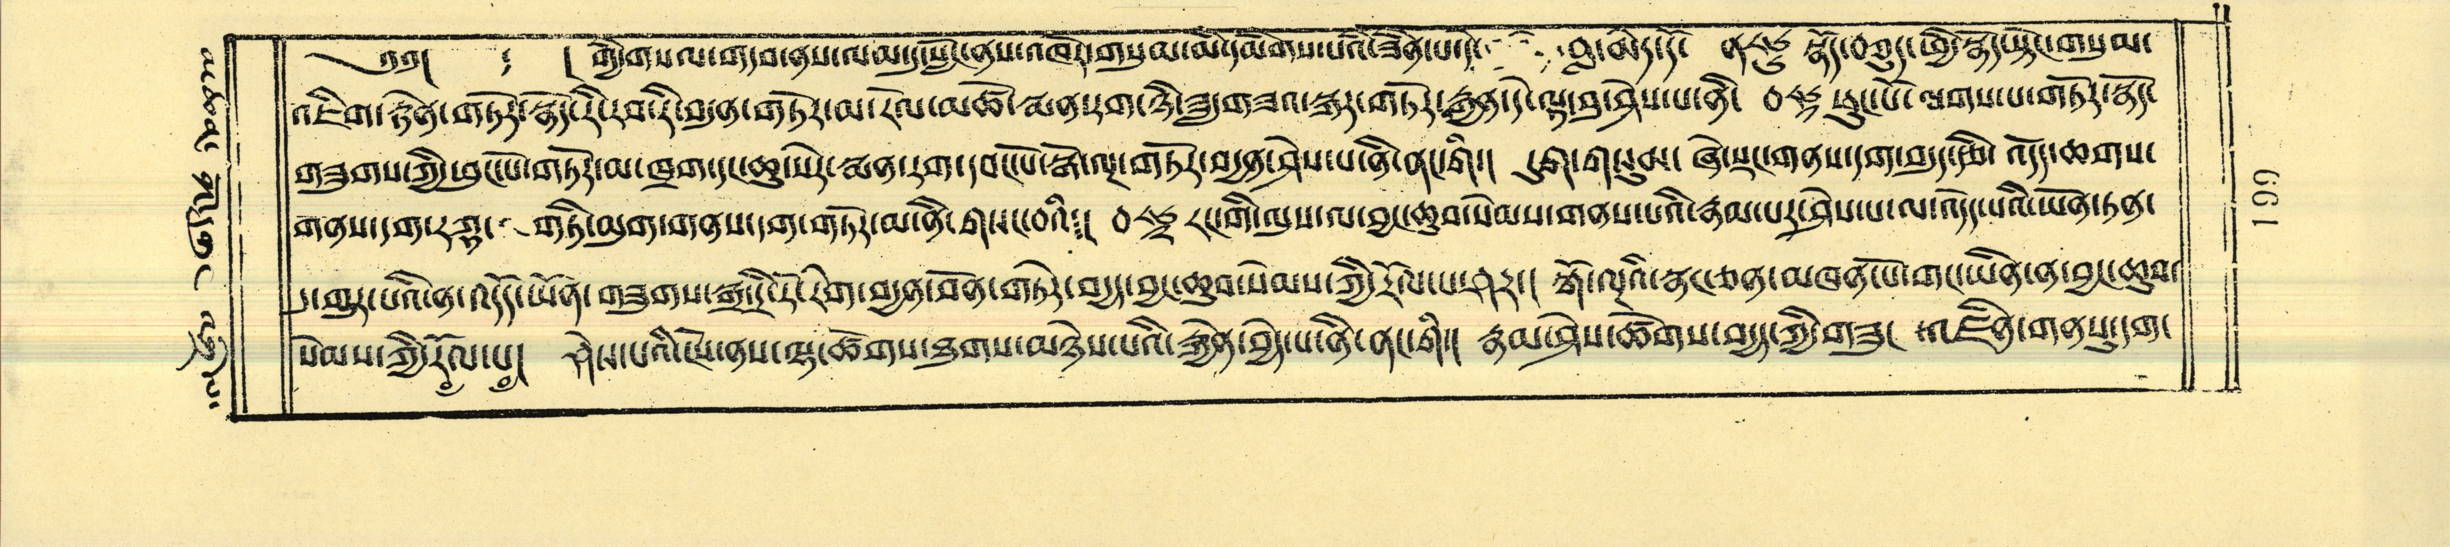གྱི་གསལ་གདབ་ནས་ལམ་དུ་སློང་ནས་འཁོར་གསུམ་མི་དམིགས་པའི་ཟིན་པ་དེ་༼བླ་མེད་དོ༽༨༦།༦༼སྣོད་བཅུད༽ཕྱི་སྣོད་སྟོང་གསུམ་
འཇིག་རྟེན་གཏོར་སྣོད་རི་རབ་རི་བདུན་གཏོར་མ་རོལ་མཚོ་སྨན་རག་ཉི་ཟླ་གཟའ་སྐར་གཏོར་རྒྱན་དེ་ལྟ་བུ་ཤེས་པ་ནི། བ༨༦།༡༼ཕུང་པོ༽ལྤགས་པ་གཏོར་སྣོད་
གཟུགས་ཀྱི་ཕུང་པོ་གཏོར་མ་ཁྲག་དང་ཆུ་སེར་སྨན་རག་དབང་པོ་སྒོ་ལྔ་གཏོར་རྒྱན་ཤེས་པ་ནི་༼ནང་གི༽༼དུག་གསུམ༽ཞེ་སྡང་གནས་དག་བདུད་རྩི་འདོད་ཆགས་
གནས་དག་རཀྟ་གཏི་མུག་གནས་དག་གཏོར་མ་ནི་༼གསང་བའི༽བ༨༦།༢རང་གི་ལུས་ལ་བྱང་ཆུབ་སེམས་གནས་པའི་རྣམ་པར་ཤེས་པ་ལ་འདོད་པའི་ཡོན་ཏན་
དུ་གྱུར་པའི་ན་༼འདོད་ཡོན༽གཟུགས་སྒྲ་དྲི་རོ་རེག་རྒྱན་བོན་གཏེར་བརྒྱད་བྱང་ཆུབ་སེམས་ཀྱི་༼རོལ་པ་ཤར༽༼སྒོ་ལྔའི་སྣང་ཅན༽མཁན་པོ་གང་ཡིན་ན་བྱང་ཆུབ་
སེམས་ཀྱི་༼རོལ་པ༽༼ཤེས་པའི༽ངོས་ནས་ལྷ་ཚོགས་ཐུགས་མཉེས་པའི་རྐྱེན་བྱེད་པ་ནི་༼ནང་གི༽རྣམ་ཤེས་ཚོགས་བརྒྱད་ཀྱི་གཟུང་འཛིན་གནས་སུ་དག་